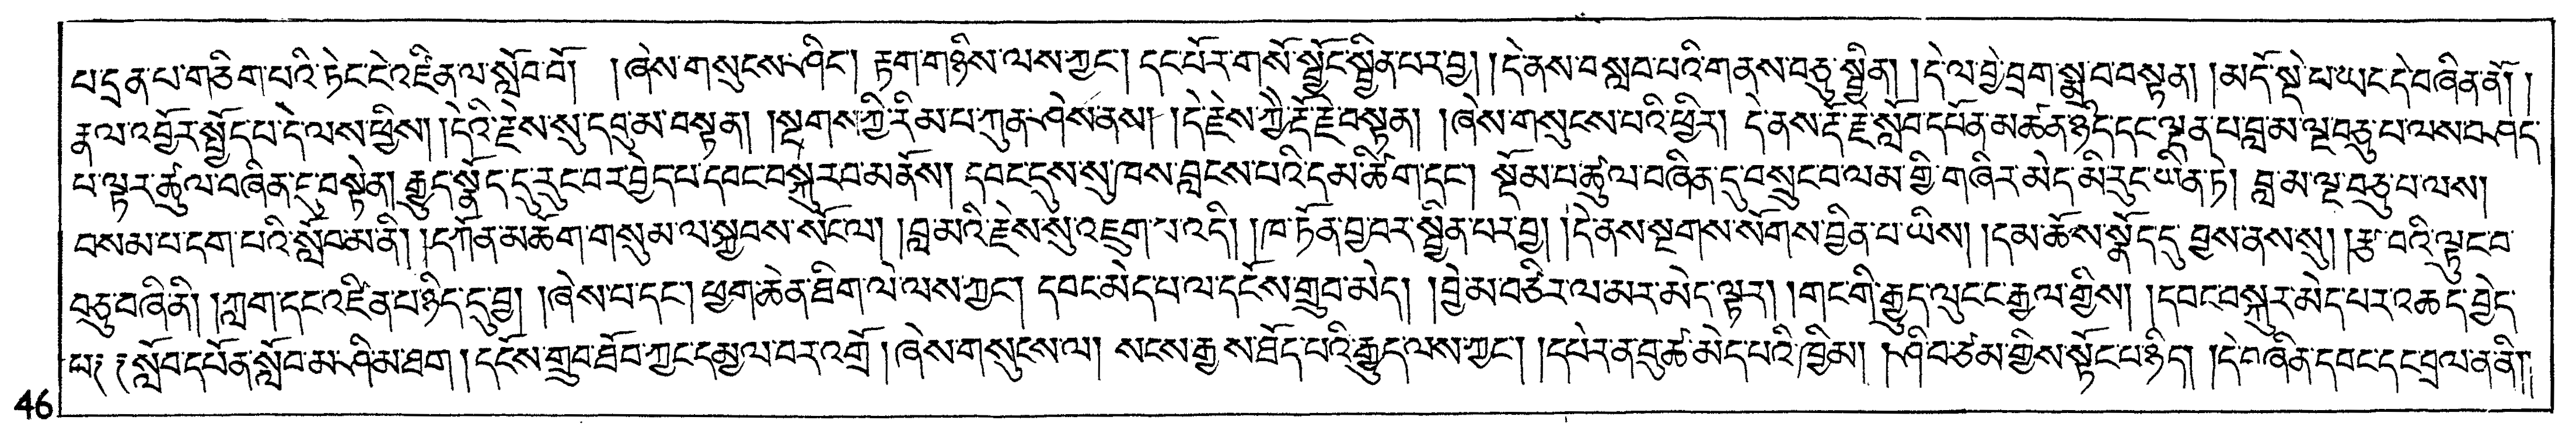པ་དྲན་པ་གཅིག་པའི་ཏིང་ངེ་འཛིན་ལ་སློབ་བོ། །ཞེས་གསུངས་ཤིང་། རྟག་གཉིས་ལས་ཀྱང་། དང་པོར་གསོ་སྦྱོང་སྦྱིན་པར་བྱ། །དེ་ནས་བསླབ་པའི་གནས་བཅུ་སྦྱིན། །དེ་ལ་བྱེ་བྲག་སྨྲ་བ་བསྟན། །མདོ་སྡེ་པ་ཡང་དེ་བཞིན་ནོ། །
རྣལ་འབྱོར་སྤྱོད་པ་དེ་ལས་ཕྱིས། །དེའི་རྗེས་སུ་དབུ་མ་བསྟན། །སྔགས་ཀྱི་རིམ་པ་ཀུན་ཤེས་ནས། །དེ་རྗེས་ཀྱཻ་རྡོ་རྗེ་བསྟན། །ཞེས་གསུངས་པའི་ཕྱིར། དེ་ནས་རྡོ་རྗེ་སློབ་དཔོན་མཚན་ཉིད་དང་ལྡན་པ་བླ་མ་ལྔ་བཅུ་པ་ལས་བཤད་
པ་ལྟར་ཚུལ་བཞིན་དུ་བསྟེན། རྒྱུད་སྣོད་དུ་རུང་བར་བྱེད་པ་དབང་བསྐུར་བ་མནོས། དབང་དུས་སུ་ཁས་བླངས་པའི་དམ་ཚིག་དང་། སྡོམ་པ་ཚུལ་བཞིན་དུ་བསྲུང་བ་ལམ་གྱི་གཞིར་མེད་མི་རུང་ཡིན་ཏེ། བླ་མ་ལྔ་བཅུ་པ་ལས།
བསམ་པ་དག་པའི་སློབ་མ་ནི། །དཀོན་མཆོག་གསུམ་ལ་སྐྱབས་སོང་ལ། །བླ་མའི་རྗེས་སུ་འཇུག་པ་འདི། །ཁ་ཏོན་བྱ་བར་སྦྱིན་པར་བྱ། །དེ་ནས་སྔགས་སོགས་བྱིན་པ་ཡིས། །དམ་ཆོས་སྣོད་དུ་བྱས་ནས་སུ། །རྩ་བའི་ལྟུང་བ་
བཅུ་བཞི་ནི། །ཀླག་དང་འཛིན་པ་ཉིད་དུ་བྱ། །ཞེས་པ་དང་། ཕྱག་ཆེན་ཐིག་ལེ་ལས་ཀྱང་། དབང་མེད་པ་ལ་དངོས་གྲུབ་མེད། །བྱེ་མ་བཙིར་ལ་མར་མེད་ལྟར། །གང་གི་རྒྱུད་ལུང་ང་རྒྱལ་གྱིས། །དབང་བསྐུར་མེད་པར་འཆད་བྱེད་
པ། །སློབ་དཔོན་སློབ་མ་ཤི་མ་ཐག །དངོས་གྲུབ་ཐོབ་ཀྱང་དམྱལ་བར་འགྲོ་།ཞེས་གསུངས་ལ། སངས་རྒྱས་ཐོད་པའི་རྒྱུད་ལས་ཀྱང་། །དཔེར་ན་བུ་ཚ་མེད་པའི་ཁྱིམ། །ཤི་བ་ཙམ་གྱིས་སྟོང་པ་ཉིད། །དེ་བཞིན་དབང་དང་བྲལ་ན་ནི། །